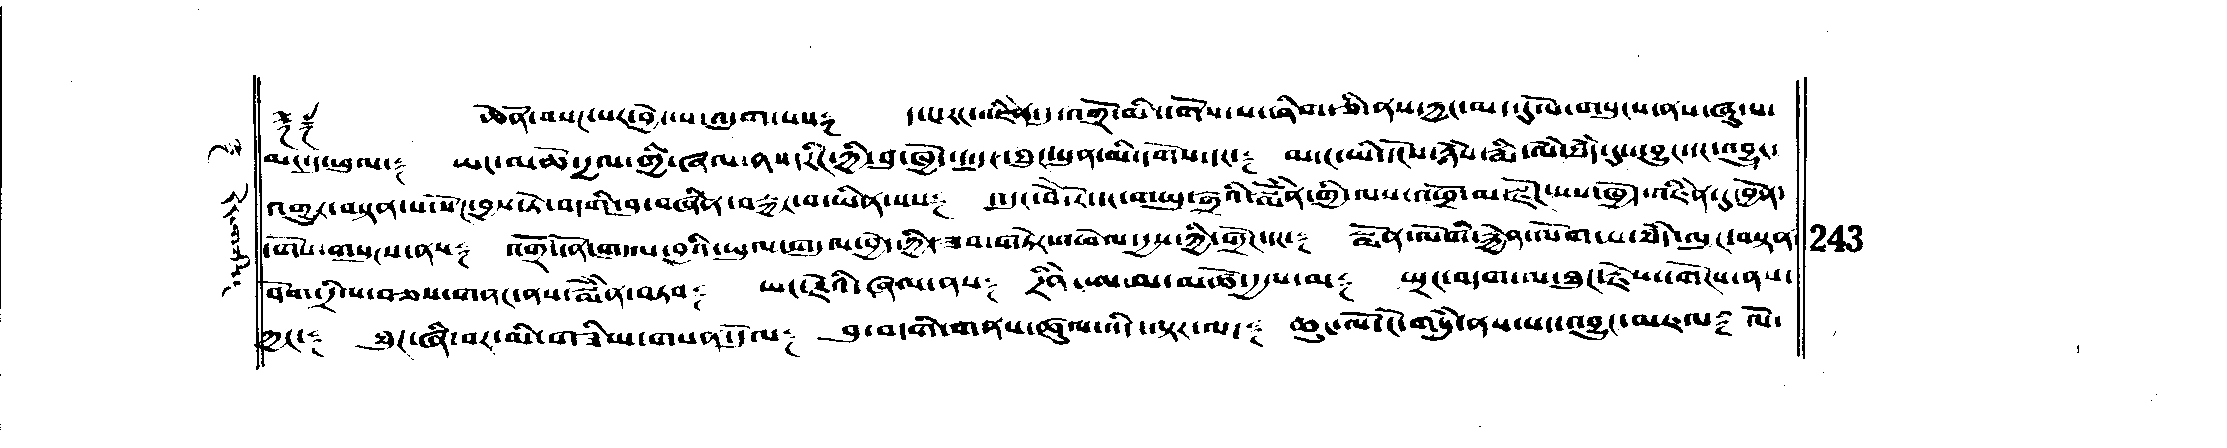ཆེན་པོ་བསགས་པར་བྱེད་པ་འདུག་པས། ད་ང་རང་འཇིག་རྟེན་དུ་འགྲོ་མི་དགོས་པ་ཞིག་ཅི་ནས་ཀྱང་མཛད་དུ་གསོལ་གསུངས་ནས་ཞུ་བ་
མང་དུ་ཕུལ། ཡང་མཚོ་རྒྱལ་གྱི་ཞལ་ནས་རིགས་ཀྱི་བུ་ཁྱོད་ད་དུང་ཐུགས་སུན་མི་དགོས་དང་། མ་ང་ཡི་དངོས་ཉམས་རྨི་ལམ་ཐམས་ཅད་དུ་འབྱུང་དང་འབྱུང་
འགྱུར་བསྟན་པ་སོགས་བྱས་ཏེ་བདག་གི་བུ་བཞིན་བསྐྱང་བ་ཡིན་པས། ད་དུང་བཻ་རོ་དང་གཡུ་སྒྲའི་སྨོན་ལམ་གྱི་ལས་འཕྲོ་མ་རྫོགས་པས་ཁྱོད་འཇིག་རྟེན་དུ་བྱོན་
དགོས་གསུངས་ནས། འགྲོ་དོན་གདུལ་བྱའི་ཡུལ་འདུལ་བྱེད་ཀྱི་ཟབ་གཏེར་འཕེལ་རྒྱས་ཀྱི་གྲོགས་དང་། སྨོན་ལོག་གི་རྐྱེན་ལོག་པ་ཐམས་ཅད་ལུང་བསྟན་
ཤོག་དྲིལ་བཅས་གནང་ནས་སྨོན་ལམ་བཏབ། ཡང་རྗེའིཞལ་ནས། དྲིན་ཆེན་ཨ་མ་མཚོ་རྒྱལ་མ། །སྤྲང་བདག་ལ་ཐུགས་རྗེས་དགོངས་ནས་
ཀྱང་། །ཐུགས་ཞི་བར་མི་གཟིམ་གསན་དུ་གསོལ། །བུ་བདག་གི་གནས་ཚུལ་འདི་ལྟར་ལགས། །ཆུང་ལོ་ངོ་གསུམ་ནས་པད་འབྱུང་མཇལ། །ལོ་